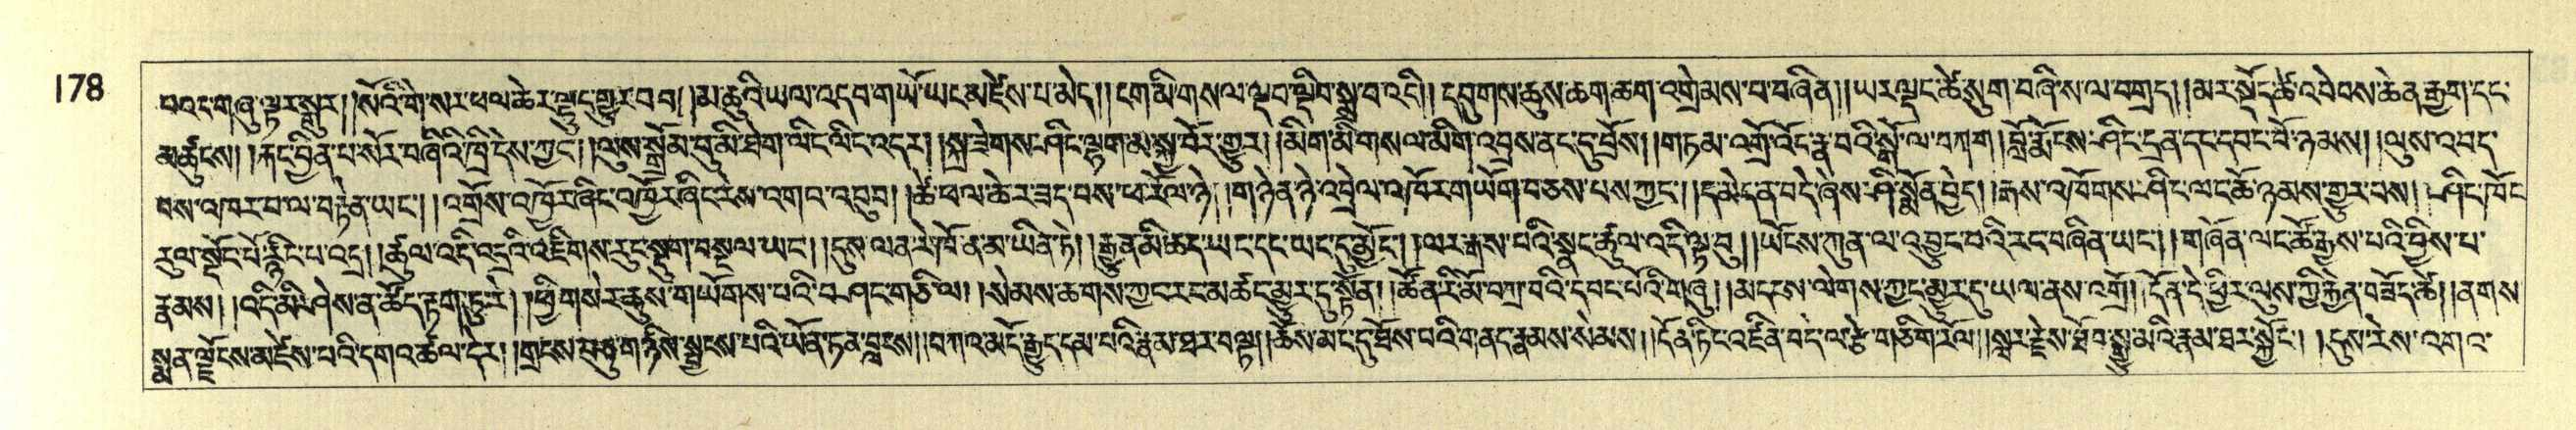པའང་གཞུ་ལྟར་སྒུར། །སོའི་གེ་སར་ཕལ་ཆེར་ལྷུང་གྱུར་བབ། །མ་ཆུའི་ཡལ་འདབ་གཡོ་ཡང་མཛེས་པ་མེད། །ངག་མི་གསལ་ལྡབ་ལྡིབ་སྨྲ་བ་འདི། །དབུགས་ཆུས་ཆག་ཆག་འགྲེམས་པ་བཞིན། །ཡར་ལྡང་ཚེ་སུག་བཞི་ས་ལ་བགྲད། །མར་སྡོད་ཚེ་འབེབས་ཆེན་རྒྱག་དང་
མཚུངས། །རྐང་བྱིན་པ་སོར་བཞིའི་ཁྲི་དེས་ཀྱང་། །ལུས་སྒྲོམ་བུ་མི་ཐེག་ལིང་ལིང་འདར། །སྐྲ་ཟེགས་ཤིང་ལྷག་མ་སྐྱ་བོར་གྱུར། །མིག་མི་གསལ་མིག་འབྲས་ནང་དུ་བྲོས། །གཏམ་འགྲོ་འོང་རྣ་བའི་སྒོ་ལ་བཀག །བློ་རྨོངས་ཤིང་དྲན་དང་དབང་པོ་ཉམས། །ལུས་འབད་
བས་འཁར་བ་ལ་བརྟེན་ཡང་། །འགྲོས་འཁྱོར་ཞིང་འཁྱོར་ཞིང་རེས་འགའ་འབུབ། །ཚེ་ཕལ་ཆེར་ཟད་པས་ཕ་རོལ་ཉེ། །གཉེན་ཉེ་འབྲེལ་འཁོར་གཡོག་བཅས་པས་ཀྱང་། །དེ་མེད་ན་བདེ་ཞེས་ཤི་སྨོན་བྱེད། །རྒས་འཁོགས་ཤིང་ལང་ཆོ་ཉམས་གྱུར་པས། །ཤིང་ཁོང་
རུལ་སྡོང་པོ་རྙིང་པ་འདྲ། །ཚུལ་འདི་འདྲའི་འཇིགས་རུང་སྡུག་བསྔལ་ཡང་། །དུས་ལན་རེ་ཁོ་ན་མ་ཡིན་ཏེ། །རྒྱུན་མི་ཆད་ཡང་དང་ཡང་དུ་མྱོང་། །ལར་རྒས་པའི་སྣང་ཚུལ་འདི་ལྟ་བུ། །ཡོངས་ཀུན་ལ་འབྱུང་བའི་རང་བཞིན་ཡང་། །གཞོན་ལང་ཚོ་རྒྱས་པའི་བྱིས་པ་
རྣམས། །འདི་མི་ཤེས་ན་ཚོད་རྟག་ཏུ་རེ། །ཕྱི་གསེར་ཆུས་གཡོགས་པའི་བཤང་གཅི་ལ། །སེམས་ཆགས་ཀྱང་རང་མཚང་མྱུར་དུ་སྟོན། །ཚོན་རི་མོ་བཀྲ་བའི་དབང་པོའི་གཞུ། །མདངས་ལེགས་ཀྱང་མྱུར་དུ་ཡལ་ནས་འགྲོ། །དོན་དེ་ཕྱིར་ལུས་ཀྱི་རྐྱེན་བཟོད་ཚེ། །ནགས་
སྨན་ལྗོངས་མཛེས་པའི་དགའ་ཚལ་དེར། །གྲངས་བཅུ་གཉིས་སྦྱངས་པའི་ཡོན་ཏན་བླངས། །བཀའ་མདོ་རྒྱུད་དམ་པའི་རྣམ་ཐར་བལྟ། །ཆོས་མང་དུ་ཐོས་པའི་གནད་རྣམས་སེམས། །དོན་ཏིང་འཛིན་བདེ་ལ་རྩེ་གཅིག་རོལ། །སླར་རྗེས་ཐོབ་སྒྱུར་མའི་རྣམ་ཐར་སྐྱོང་། །དུས་རེས་འགའ་